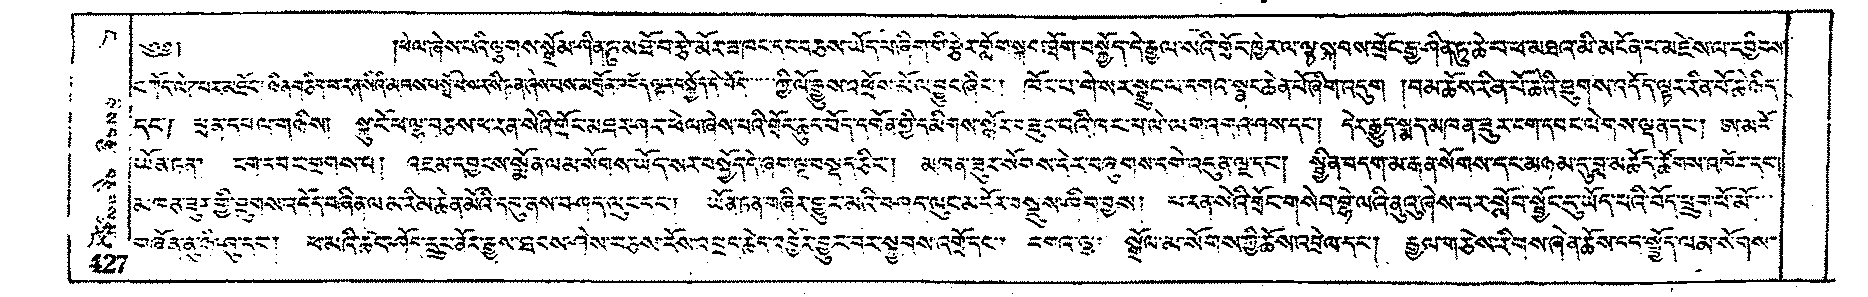༄༅། །ཕེལ་ཞེས་པའི་ལྕགས་སྒྲོམ་ཤིན་ཏུ་མཐོ་བ་རྩེ་མོར་ཟ་ཁང་དང་བཅས་ཡོད་པ་ཞིག་གི་རྩེར་གློག་སྐས་ཐོག་བསྐྱོད་དེ་རྒྱལ་སའི་གྲོང་ཁྱེར་ལ་ལྟ་སྐབས་གྲོང་རྒྱ་ཤིན་ཏུ་ཆེ་བ་ཕ་མཐའ་མི་མངོན་པ་མཛེས་ལ་དབྱིབས་
བཀོད་ལེགས་པར་མཐོང་། ཉིན་གཅིག་ཕ་རན་སིའི་མཁས་པ་སྤོ་ཕེ་སར་སི་ཏན་ཞེས་པས་མགྲོན་འབོད་ལྟར་བསྐྱོད་དེ་བོད་ཀྱི་ལོ་རྒྱུས་འཕྲོས་མོལ་བྱུང་ཞིང་། ཁོང་པ་གེ་སར་སྒྲུང་ལ་དགའ་སྣང་ཆེན་པོ་ཞིག་འདུག །བམ་ཆོས་རིན་པོ་ཆེའི་ཐུགས་འདོད་ལྟར་རིན་པོ་ཆེ་ཉིད་
དང་། ཕྲན་དཔལ་གཉིས། སྐུ་ངོ་ཕ་ལྷ་བཅས་ཕ་རན་སེའི་གྲོང་མཐར་ཤར་ཕེལ་ཞེས་པའི་གྲོང་ཆུང་བོད་དགོན་གྱི་དམིགས་སྒོར་བཟུང་བའི་ཁང་པ་ལེ་ལག་འགའ་ཤས་དང་། དེར་རྒྱུད་སྨད་མཁན་ཟུར་ངག་དབང་ལེགས་ལྡན་དང་། ཨ་མདོ་
ཡོན་ཏན། ངག་དབང་གྲགས་པ། འཇམ་དབྱངས་སྨོན་ལམ་སོགས་ཡོད་སར་བསྐྱོད་དེ་ཞག་ལྔ་བསྡད་ཅིང་། མཁན་ཟུར་སོགས་དེར་བཞུགས་དགེ་འདུན་ལྔ་དང་། སྦྱིན་བདག་མ་རྒན་སོགས་དང་མཉམ་དུ་བླ་མཆོད་ཚོགས་འཁོར་དྣག།
མཁན་ཟུར་གྱི་ཐུགས་འདོད་བཞིན་ལམ་རིམ་ཆེན་མོའི་དབུ་ནས་བཤད་ལུང་དང་། ཡོན་ཏན་གཞིར་གྱུར་མའི་བཤད་ལུང་མདོར་བསྡུས་ཤིག་བྱས། ཕ་རན་སེའི་གྲོང་གསེབ་བྷེ་ལའི་ནུའུ་ཞེས་པར་སློབ་སྦྱོང་དུ་ཡོད་པའི་བོད་ཕྲུག་ཕོ་མོ་
གཞོན་ནུ་ཉི་ཤུ་དང་། ཕ་མའི་ཚབ་ཤོད་དྲུང་ནོར་རྒྱས་ཐབས་ཤེས་བཅས་ངོས་འཕྲད་ཆེད་འབྱོར་བྱུང་བར་སྐྱབས་འགྲོ་དང་། དགའ་ལྷ། སྒྲོལ་མ་སོགས་ཀྱི་ཆོས་འབྲེལ་དང་། རྒྱལ་གཅེས་རིགས་ཞེན་ཆོས་དད་སྤྱོད་ལམ་སོགས་